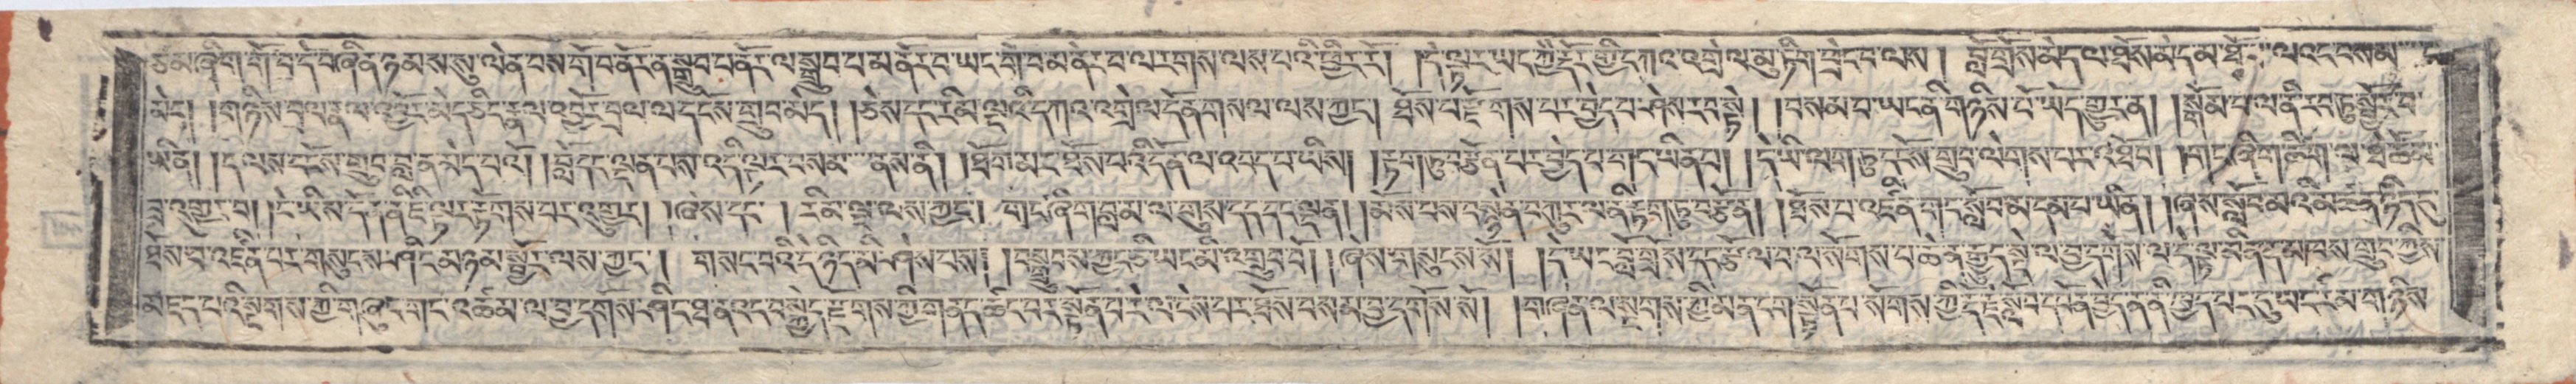ཙམ་ཞིག་གོ་བ་དེ་བཞིན་ཉམས་སུ་ལེན་པས་གོ་བ་ནོར་ན་སྒྲུབ་པ་ནོར་ལ་སྒྲུབ་པ་མ་ནོར་བ་ཡང་གོ་བ་མ་ནོར་བ་ལ་རགས་ལས་པའི་ཕྱིར་རོ། །དེ་ལྟར་ཡང་གི་རྡོར་གྱི་དཀའ་འགྲེལ་མུ་ཏིག་ཕྲེང་བ་ལས། བློ་གྲོས་མེད་ལ་ཐོས་མེད་མ་ཐོས་པ་ལའང་བསམ་
མེད། །གཉིས་བྲལ་རྣལ་འབྱོར་མེད་ཅིང་རྣལ་འབྱོར་བྲལ་ལ་དངོས་གྲུབ་མེད། །ཅེས་དང་རིམ་ལྔའི་དཀའ་འགྲེལ་དོན་གསལ་ལས་ཀྱང་། ཐོས་པ་རྫོགས་པར་བྱེད་པ་ཤེས་རབ་སྟེ། །བསམ་པ་ཡང་ནི་གཉིས་པོ་ཡོད་གྱུར་ན། །སྒོམ་པ་ལ་ནི་རབ་ཏུ་སྦྱོར་བ་
ཡིན། །དེ་ལས་དངོས་གྲུབ་བླ་ན་མེད་པའོ། །བློ་དང་ལྡན་པས་འདི་ལྟར་བསམ་ནས་ནི། །ཐོག་མར་ཐོས་པའི་དོན་ལ་འབད་པ་ཡིས། །རྟག་ཏུ་བརྩོན་པར་བྱེད་པ་གང་ཡིན་པ། །དེ་ཡི་ལག་ཏུ་དངོས་གྲུབ་ལེགས་པར་འཐོབ། །གང་ཞིག་ཚིག་ལ་ཐེ་ཚོམ་
ཟ་འགྱུར་བ། །དེ་ཡིས་དོན་ནི་ཇི་ལྟར་རྟོགས་པར་འགྱུར། །ཞེས་དང་། རིམ་ལྔ་ལས་ཀྱང་། གང་ཞིག་བླ་མ་ལ་གུས་དད་དང་ལྡན། །མོས་པས་བསྙེན་བཀུར་ལ་ནི་རྟག་ཏུ་བརྩོན། །ཐོས་པ་འཛིན་གང་སློབ་མ་དམ་པ་ཡིན། །ཞས་སློབ་མའི་མཚན་ཉིད་དུ་
ཐོས་པ་འཛིན་པར་གསུངས་ཤིང་མཉམ་སྦྱོར་ལས་ཀྱང་། གསང་བའི་དེ་ཉིད་མི་ཤེས་པས། །བསྒྲུབས་ཀྱང་ཅི་ཡང་མི་འགྲུབ་བོ། །ཞེས་གསུངས་སོ། །དེ་ཡང་བློ་གྲོས་དང་རྩོལ་བ་ལ་སོགས་པ་ཆེ་ན་རྒྱུད་སྡེ་ལ་བྱ་དགོས་ལ་དེ་ལྟ་མིན་ན་མཁས་གྲུབ་ཀྱིས་
མཛད་པའི་སྔགས་ཀྱི་གཞུང་གང་འཚམ་ལ་བྱ་དགོས་ཤིང་ཐ་ནའང་བསྐྱེད་རྫོགས་ཀྱི་གནད་ཚང་བར་སྟོན་པ་རེ་ལ་ངེས་པར་ཧྠོས་བསམ་བྱ་དགོས་སོ། །གཞན་ལ་སྔགས་ཀྱི་མན་ངག་སྟོན་པ་སོགས་ཀྱི་རྡོ་རྗེ་སློབ་དཔོན་བྱེད་ན་ནི་ཁྱད་པར་དུ་ཡང་རིམ་གཉི་